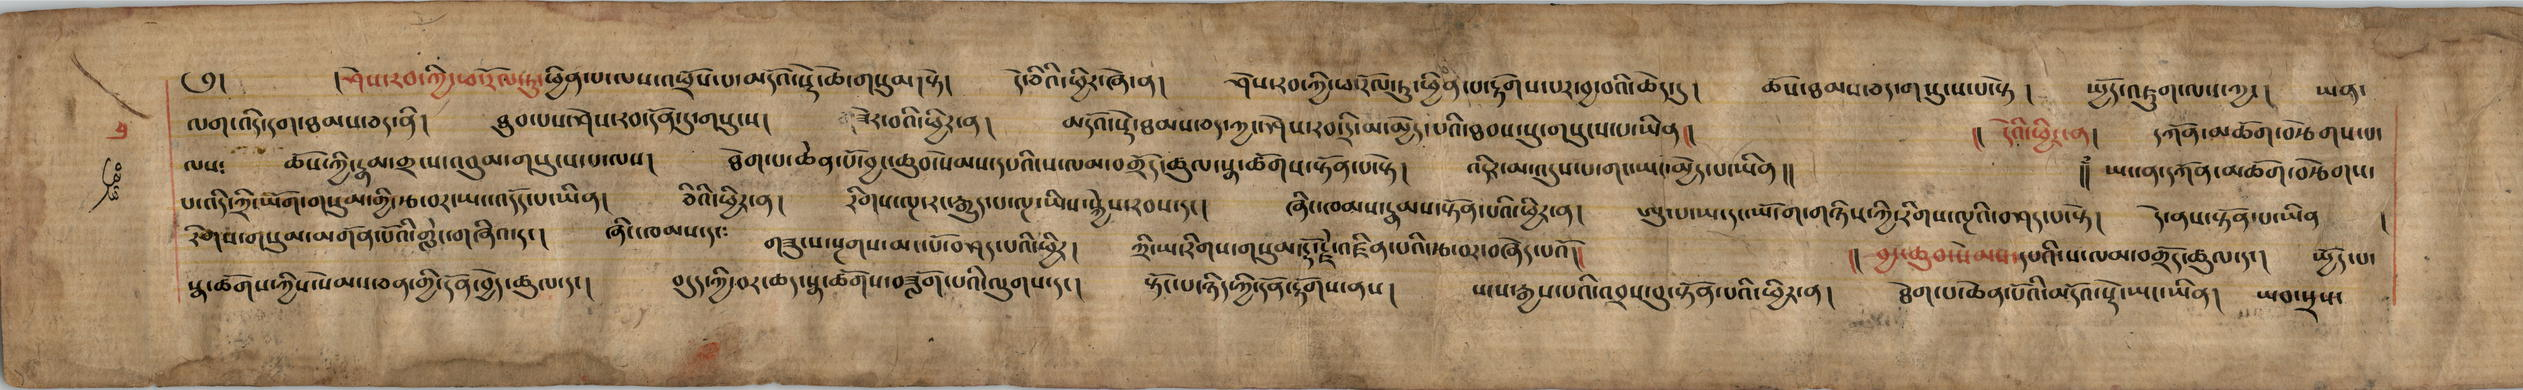༅། །ཤེས་རབ་ཀྱི་ཕ་རོལ་ཏུ་ཕྱིན་པ་ལས་འཕྲོས་པ་མདོའ་སྡེ་ཆེ་གསུམ་སྟེ། དེ་ཅིའི་ཕྱིར་ཞེ་ན། ཤེས་རབ་ཀྱི་ཕ་རོལ་ཏུ་ཕྱིན་པ་རྟོགས་པར་བྱ་བའི་ཆེད་དུ། ཆོས་ཐམས་ཅད་གསུངས་པ་སྟེ ། སྤྱོད་འཇུག་ལས་ཀྱང ། ཡན་
ལག་འདི་དག་ཐམས་ཅད་ནི། ཐུབ་པས་ཤེས་རབ་དོན་དུ་གསུངས། ཟེར་བའི་ཕྱིར་ན། མདོའ་སྡེ་ཐམས་ཅད་ཀྱང་ཤེས་རབ་དྲི་མ་མྱེད་པའི་ཐབས་སསུ་གསུངས་པ་ཡིན།། །། དེའི་ཕྱིར་ན། དཀོན་མཆོག་བརྩེགས་པ་
ལས: ཆོས་ཀྱི་རྣམ་གྲངས་འབུམ་གསུངས་པ་ལས། ཐེག་པ་ཆེན་པོ་བྱང་ཆུབ་སེམས་དཔའི་ས་ལམ་བགྲོད་ཚུལ་སྣ་ཚོགས་སྟོན་པ་སྟེ། འདིར་མ་འདུས་པ་གང་ཡང་མྱེད་པ་ཡིན །། །། ཡང་ན་དཀོན་མཆོག་བརྩེགས་
པ་འདི་ཀྲི་ཡོག་གསུམ་གྱི་རྩ་བར་ཡང་འདོད་པ་ཡིན། ཅིའི་ཕྱིར་ན། རིགས་ལྔ་རང་རྒྱུད་པ་ལྔ་ཡིས་སྐྱེས་རབས་དང། ཞིང་ཁམས་རྣམས་སྟོན་པའི་ཕྱི་ན། ཨུ་པ་ཡ་དང་ཡོ་ག་གཉིས་ཀྱི་རིགས་ལྔའི་བཤད་པ་སྟེ། དེ་ནས་སྟོན་པ་ཡིན
རིགས་གསུམ་མགོན་པོའི་གླེང་གཞིའ་དང། ཞིང་ཁམས་དང: གཟུངས་སྔགས་མང་པོ་བཤད་པའི་ཕྱིར། ཀྲི་ཡ་རིགས་གསུམ་རྡོ་རྗེ་འཛིན་པའི་རྩ་བར་བཞེད་པའོ།། །། བྱང་ཆུབ་སེམས་དཔའི་ས་ལམ་བགྲོད་ཚུལ་དང། སྤྱོད་པ་
སྣ་ཚོགས་ཀྱིས་སེམས་ཅན་གྱི་དོན་བྱེད་ཚུལ་དང། བདུད་ཀྱི་བར་ཆད་སྣ་ཚོགས་བཟློག་པའི་ལུགས་དང། སྟོང་པ་ཉིད་ཀྱི་དོན་རྟོགས་ནས། སངས་རྒྱས་པའི་འབྲས་བུ་སྟོན་པའི་ཕྱིར་ན། ཐེག་པ་ཆེན་པོའི་མདོ་སྟེ་ཡང་ཡིན། ཡབ་སྲས་